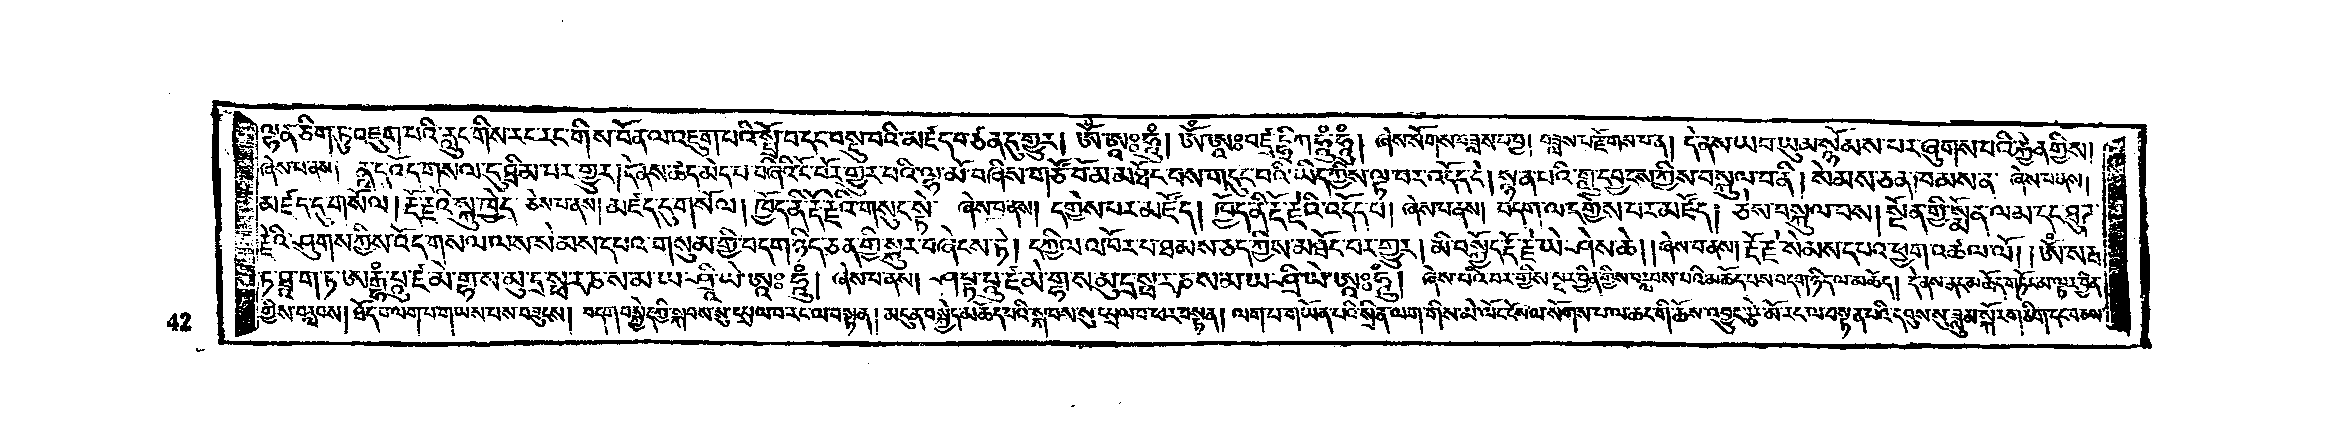ལྷན་ཅིག་ཏུ་འཇུག་པའི་རླུང་གིས་རང་རང་གི་ས་བོན་ལ་འཇུག་པའི་སྤྲོ་བ་དང་བསྡུ་བའི་མཛད་པ་ཅན་དུ་གྱུར། ཨོཾ་ཨཱཿ ཧཱུཾ། ཨོཾ་ཨཱཿ བཛྲ་དྷྲིཀ་ཧཱུཾ་ཧཱུཾ། ཞེས་སོགས་བཟླས་པ་བྱ། བཟླས་པ་རྫོགས་པ་ན།  དེ་ནས་ཡབ་ཡུམ་སྙོམས་པར་ཞུགས་པའི་རྐྱེན་གྱིས།
ཞེས་པ་ནས།  ནཱ་ད་འོད་གསལ་དུ་ཐིམ་པར་གྱུར། དེ་ནས་ཚད་མེད་པ་བཞིའི་ངོ་བོར་གྱུར་པའི་ལྷ་མོ་བཞིས་གཙོ་བོ་མ་མཐོང་བས་གདུང་བའི་ཡིད་ཀྱིས་ལྟ་བར་འདོད་དེ། སྙན་པའི་གླུ་དབྱངས་ཀྱིས་བསྐུལ་བ་ནི། སེམས་ཅན་ཁམས་ན་ཞེས་པ་ནས།
མཛད་དུ་གསོལ། རྡོ་རྗེའི་སྐུ་ཁྱེད་ཅེས་པ་ནས།  མཛད་དུ་གསོལ། ཁྱོད་ནི་རྡོ་རྗེའི་གསུང་སྟེ་ཞེས་པ་ནས།  དགྱེས་པར་མཛོད། ཁྱོད་ནི་རྡོ་རྗེའི་འདོད་པ། ཞེས་པ་ནས།  བདག་ལ་དགྱེས་པར་མཛོད། ཅེས་བསྐུལ་བས། སྔོན་གྱི་སྨོན་ལམ་དང་ཐུགས་
རྗེའི་ཤུགས་ཀྱིས་འོད་གསལ་ལས་སེམས་དཔའ་གསུམ་གྱི་བདག་ཉིད་ཅན་གྱི་སྐུར་བཞེངས་ཏེ། དཀྱིལ་འཁོར་པ་ཐམས་ཅད་ཀྱིས་མཐོང་བར་གྱུར། མི་བསྐྱོད་རྡོ་རྗེ་ཡེ་ཤེས་ཆེ། ། ཞེས་པ་ནས།  རྡོ་རྗེ་སེམས་དཔའ་ཕྱག་འཚལ་ལོ། །ཨོཾ་སརྦ་
ཏ་ཐཱ་ག་ཏ་ཨརྒྷཾ་པཱུ་ཛ་མེ་གྷ་ས་མུ་དྲ་སྥ་ར་ཎ་ས་མ་ཡ་ཤྲཱི་ཡེ་ཨཱཿ ཧཱུཾ། ཞེས་པ་ནས།  ཤཔྟ་པཱུ་ཛ་མེ་གྷ་ས་མུ་དྲ་སྥ་ར་ཎ་ས་མ་ཡ་ཤྲི་ཡེ་ཨཱཿ ཧཱུཾ། ཞེས་པའི་བར་གྱིས་སྔར་བྱིན་གྱིས་བརླབས་པའི་མཆོད་པས་བདག་ཉིད་ལ་མཆོད། དེ་ནས་ནང་མཆོད་གཏོར་མ་ལྟར་བྱིན་
གྱིས་བརླབས། ཐོད་པ་ལག་པ་གཡས་པས་བཟུངས། བདག་བསྐྱེད་ཀྱི་སྐབས་སུ་དཔྲལ་བ་རང་ལ་བསྟན། མདུན་བསྐྱེད་མཆོད་པའི་སྐབས་སུ་དཔྲལ་བ་ཕར་བསྟན། ལག་པ་གཡོན་པའི་སྲིན་ལག་གིས་མེ་ལོང་ངོས་ལ་སོགས་པ་ལ་ཆང་གི་ཆོས་འབྱུང་རྩེ་མོ་རང་ལ་བསྟན་པའི་དབུས་སུ་ཟླུམ་སྐོར་གཅིག་དང་བཅས་